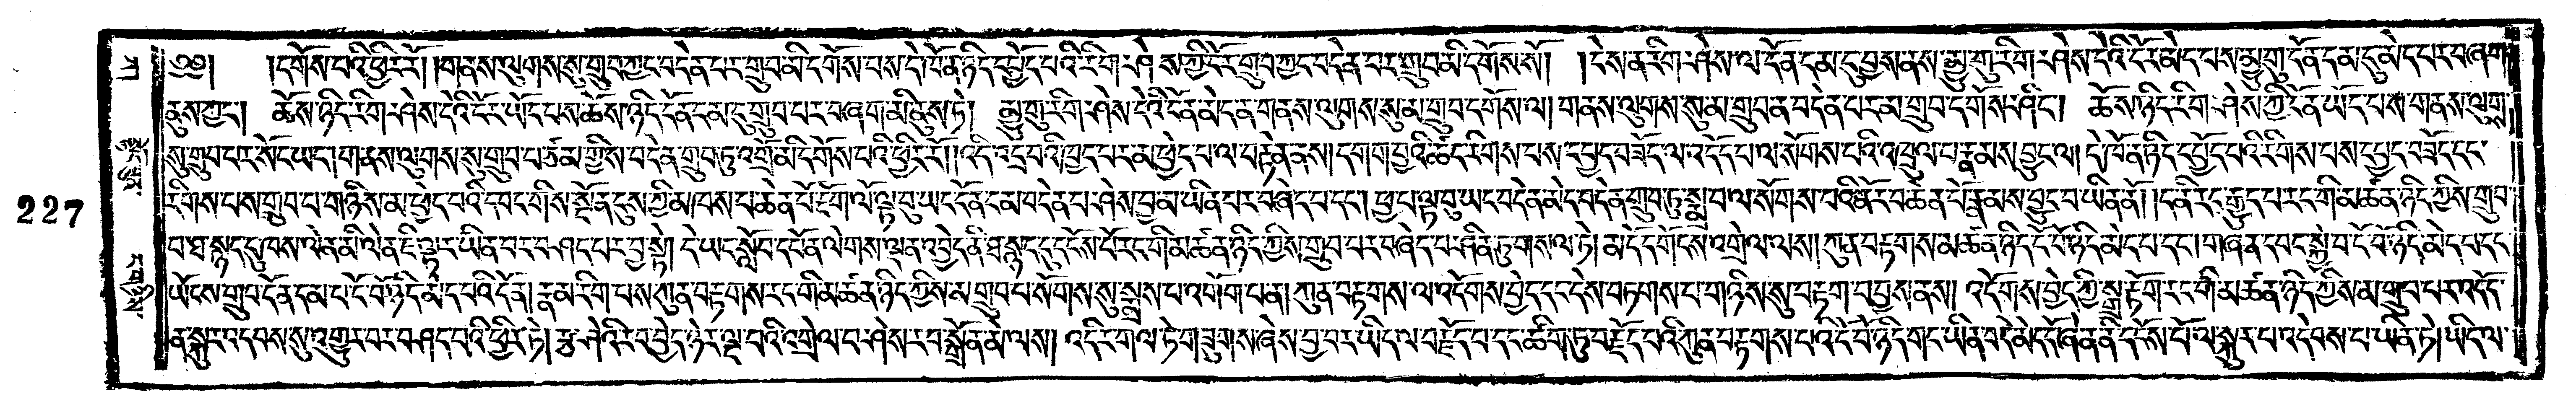༄༅། །དགོས་པའི་ཕྱིར་རོ། །གནས་ལུགས་སུ་གྲུབ་ཀྱང་བདེན་པར་གྲུབ་མི་དགོས་བས་དེ་ཁོ་ན་ཉིད་དཔྱོད་པའི་རིག་ཤེས་ཀྱི་ངོར་གྲུབ་ཀྱང་བདེན་བར་གྲུབ་མི་དགོས་སོ། །དེས་ན་རིག་ཤེས་ལ་དོན་དམ་དུ་བྱས་ནས་མྱུ་གུ་རིག་ཤེས་དེའི་ངོར་མེད་པས་མྱུ་གུ་དོན་དམ་དུ་མེད་པར་བཞག་
ནུས་ཀྱང་། ཆོས་ཉིད་རིག་ཤེས་དེའི་ངོར་ཡོད་པས་ཆོས་ཉིད་དོན་དམ་དུ་གྲུབ་པར་བཞག་མི་ནུས་ཏེ། མྱུ་གུ་རིག་ཤེས་དེའི་དོན་མེད་ན་གནས་ལུགས་སུ་མ་གྲུབ་དགོས་ལ། གནས་ལུགས་སུ་མ་གྲུབ་ན་བདེན་པར་མ་གྲུབ་དགོས་ཤིང་། ཆོས་ཉིད་རིག་ཤེས་ཀྱི་དོན་ཡོད་པས་གནས་ལུགས་
སུ་གྲུབ་པར་སོང་ཡང་། གནས་ལུགས་སུ་གྲུབ་པ་ཙམ་གྱིས་བདེན་གྲུབ་ཏུ་འགྲོ་མི་དགོས་པའི་ཕྱིར་རོ། །འདི་འདྲ་བའི་ཁྱད་པར་མ་ཕྱེད་པ་ལ་བརྟེན་ནས། དགག་བྱའི་ཆད་རིགས་པས་དཔྱད་བཟོད་ལ་འདོད་པ་ལ་སོགས་པའི་འཁྲུལ་པ་རྣམས་བྱུང་ལ། དེ་ཁོ་ན་ཉིད་དཔྱོད་པའི་རིགས་པས་དཔྱད་བཟོད་དང་
རིགས་པས་གྲུབ་པ་གཉིས་མ་ཕྱེད་པའི་དབང་གིས་སྔོན་དུས་ཀྱི་མཁས་པ་ཆེན་པོ་རྡོག་ལོ་ལྟ་བུ་ཡང་དོན་དམ་བདེན་པ་ཤེས་བྱ་མ་ཡིན་པར་བཞེད་པ་དང་། ཕྱ་པ་ལྟ་བུ་ཡང་བདེན་མེད་བདེན་གྲུབ་ཏུ་སྨྲ་བ་ལ་སོགས་པའི་ནོར་བ་ཆེན་པོ་རྣམས་བྱུང་བ་ཡིན་ནོ། །ད་ནི་རང་རྒྱུད་པ་རང་གི་མཚན་ཉིད་ཀྱིས་གྲུབ་
བ་ཐ་སྙད་དུ་ཁས་ལེན་མི་ལེན་ཇི་ལྟར་ཡིན་བར་བཤད་པར་བྱ་སྟེ། དེ་ཡང་སློབ་དཔོན་ལེགས་ལྡན་འབྱེད་ནི་ཐ་སྙད་དུ་དངོས་པོ་རང་གི་མཚན་ཉིད་ཀྱིས་གྲུབ་པར་བཞེད་པ་ཤིན་ཏུ་གསལ་ཏེ། མདོ་དགོངས་འགྲེལ་ལས། ཀུན་བརྟགས་མཚན་ཉིད་ངོ་བོ་ཉིད་མེད་པ་དང་། གཞན་དབང་སྐྱེ་བ་ངོ་བོ་ཉིད་མེད་པ་དང་
ཡོངས་གྲུབ་དོན་དམ་པ་ངོ་བོ་ཉིད་མེད་པའི་དོན། རྣམ་རིག་པས་ཀུན་བརྟགས་རང་གི་མཚན་ཉིད་ཀྱིས་མ་གྲུབ་པ་སོགས་སུ་སྨྲས་པ་འགོག་པ་ན། ཀུན་བརྟགས་ལ་འདོགས་བྱེད་དང་དེས་བཏགས་པ་གཉིས་སུ་བརྟག་བ་བྱས་ནས། འདོགས་བྱེད་ཀྱི་སྒྲ་རྟོག་རང་གི་མཚན་ཉིད་ཀྱིས་མ་གྲུབ་པར་འདོད་
ན་སྐུར་འདབས་སུ་འགྱུར་བར་བཤད་བའི་ཕྱིར་ཏེ། རྩ་ཤེའི་རབ་བྱེད་ཉེར་ལྔ་པའི་འགྲེལ་བ་ཤེས་རབ་སྒྲོན་མེ་ལས། འདིར་གལ་ཏེ་གཟུགས་ཞེས་བྱ་བར་ཡིད་ལ་བརྗོད་བ་དང་ཚིག་ཏུ་བརྗོད་པའི་ཀུན་བརྟགས་པའི་ངོ་བོ་ཉིད་གང་ཡིན་བདེ་མེད་དོ་ཞེ་ན་ནི་དངོས་པོ་ལ་སྐུར་པ་འདེབས་པ་ཡིན་ཏེ། ཡིད་ལ་